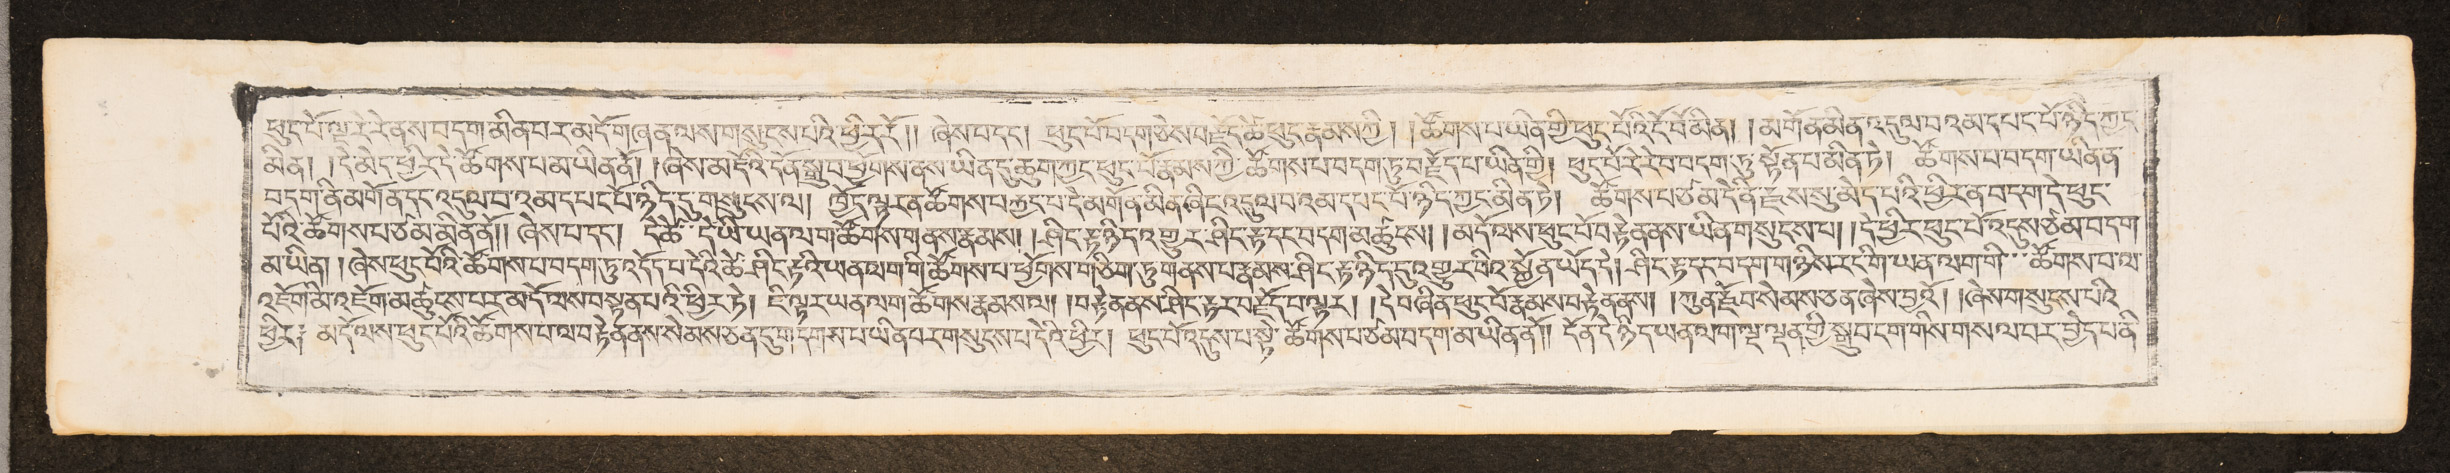ཕུང་པོ་ལྔ་རེ་རེ་ནས་བདག་མིན་པར་མདོ་གཞན་ལས་གསུངས་པའི་ཕྱིར་རོ།། ཞེས་པ་དང་། ཕུང་པོ་བདག་ཅེས་བརྗོད་ཚེ་ཕུང་རྣམས་ཀྱི། །ཚོགས་པ་ཡིན་གྱི་ཕུང་པོའི་ངོ་བོ་མིན། །མགོན་མིན་འདུལ་བའམ་དབང་པོ་ཉིད་ཀྱང་
མིན། །དེ་མེད་ཕྱིར་དེ་ཚོགས་པ་མ་ཡིན་ནོ། །ཞེས་མཇོའི་དོན་སྒྲུབ་ཕྱོགས་ནས་ཡིན་དུ་ཆུག་ཀྱང་ཕུང་པོ་རྣམས་ཀྱི་ཚོགས་པ་བདག་ཏུ་བརྗོད་པ་ཡིན་གྱི། ཕུང་པོ་རེ་རེ་བདག་ཏུ་སྟོན་པ་མིན་ཏེ། ཚོགས་པ་བདག་ཡིན་ན་
བདག་ནི་མགོན་དང་འདུལ་བའམ་དབང་པོ་ཉིད་དུ་གསུངས་ལ། ཁྱོད་ལྟར་ན་ཚོགས་པ་རྐྱང་པ་དེ་མགོན་མིན་ཞིང་འདུལ་བའམ་དབང་པོ་ཉིད་ཀྱང་མིན་ཏེ། ཚོགས་པ་ཙམ་དེ་ནི་རྫས་སུ་མེད་པའི་ཕྱིར་ན་བདག་དེ་ཕུང་
པོའི་ཚོགས་པ་ཙམ་མིན་ནོ།། ཞེས་པ་དང་། དེ་ཚེ་དེ་ཡི་ཡན་ལག་ཚོགས་གནས་རྣམས། །ཤིང་རྟ་ཉིད་འགྱུར་ཤིང་རྟ་དང་བདག་མཚུངས། །མདོ་ལས་ཕུང་པོ་བརྟེན་ནས་ཡིན་གསུངས་པ། །དེ་ཕྱིར་ཕུང་པོ་འདུས་ཙམ་བདག་
མ་ཡིན། །ཞེས་ཕུང་པོའི་ཚོགས་པ་བདག་ཏུ་འདོད་པ་དེའི་ཚེ་ཤིང་རྟའི་ཡན་ལག་གི་ཚོགས་པ་ཕྱོགས་གཅིག་ཏུ་གནས་པ་རྣམས་ཤིང་རྟ་ཉིད་དུ་འགྱུར་བའི་སྐྱོན་ཡོད་དེ། ཤིང་རྟ་དང་བདག་གཉིས་རང་གི་ཡན་ལག་གི་ཚོགས་པ་ལ་
འཇོག་མི་འཇོག་མཚུངས་པར་མདོ་ལས་བསྟན་པའི་ཕྱིར་ཏེ། ཇི་ལྟར་ཡན་ལག་ཚོགས་རྣམས་ལ། །བརྟེན་ནས་ཤིང་རྟར་བརྗོད་པ་ལྟར། །དེ་བཞིན་ཕུང་པོ་རྣམས་བརྟེན་ནས། །ཀུན་རྫོབ་སེམས་ཅན་ཞེས་བྱའོ། །ཞེས་གསུངས་པའི་
ཕྱིར༑ མདོ་ལས་ཕུང་པོའི་ཚོགས་པ་ལ་བརྟེན་ནས་སེམས་ཅན་དུ་གདགས་པ་ཡིན་པར་གསུངས་པ་དེའི་ཕྱིར། ཕུང་པོ་འདུས་པ་སྟེ་ཚོགས་པ་ཙམ་བདག་མ་ཡིན་ནོ།། དོན་དེ་ཉིད་ཡན་ལག་ལྔ་ལྡན་གྱི་སྒྲུབ་དག་གིས་གསལ་བར་བྱེད་པ་ནི་